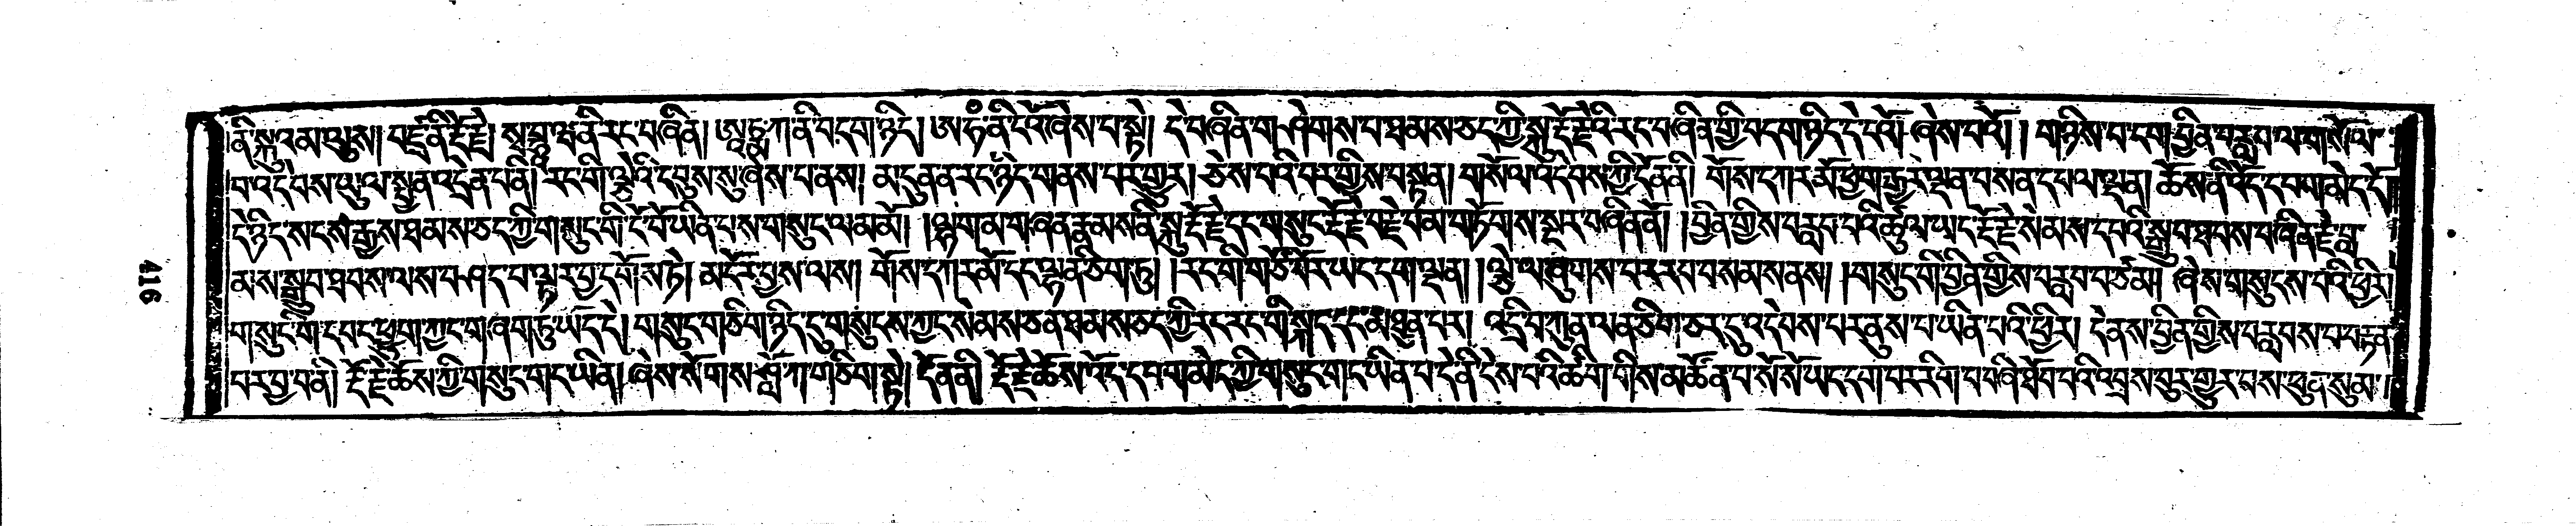ནི་སྐུའམ་ལུས། བཛྲ་ནི་རྡོ་རྗེ། སྭབྷཱ་ཝ་ནི་རང་བཞིན། ཨཱཏྨ་ཀ་ནི་བདག་ཉིད། ཨ་ཧཾ་ནི་ངའོ་ཞེས་པ་སྟེ། དེ་བཞིན་གཤེགས་པ་ཐམས་ཅད་ཀྱི་སྐུ་རྡོ་རྗེའི་རང་བཞིན་གྱི་བདག་ཉིད་དེ་ངའོ། །ཞེས་པའོ། །གཉིས་པ་ངག་བྱིན་བརླབ་ལ་གསོལ་
བ་འདེབས་ཡུལ་སྤྱན་འདྲེན་པ་ནི། རང་གི་ལྕེའི་དབུས་སུ་ཞེས་པ་ནས། མདུན་ན་རང་ཉིད་གནས་པར་གྱུར། ཅེས་པའི་བར་གྱིས་བསྟན། གསོལ་འདེབས་ཀྱི་དོན་ནི། གོས་དཀར་མོ་ཕྱག་རྒྱར་ལྡན་པས་ན་དཔལ་ལྡན། ཆོས་ནི་འོད་དཔག་མེད་དོ།
དེ་ཉིད་སངས་རྒྱས་ཐམས་ཅད་ཀྱི་གསུང་གི་ངོ་བོ་ཡིན་པས་གསུང་ལ་མ་མོ། །ལྷག་མ་གཞན་རྣམས་ནི་སྐུ་རྡོ་རྗེ་དང་གསུང་རྡོ་རྗེ་བརྗེ་བ་མ་གཏོགས་སྔར་བཞིན་ནོ། །བྱིན་གྱིས་བརླབ་པའི་ཚུལ་ཡང་རྡོ་རྗེ་སེམས་དཔའི་སྒྲུབ་ཐབས་བཞིན་རྗེ་བླ་
མས་སྒྲུབ་ཐབས་ལས་བཤད་པ་ལྟར་བྱ་དགོས་ཏེ། མདོར་བྱས་ལས། གོས་དཀར་མོ་དང་ལྷན་ཅིག་ཏུ། །རང་གི་གཙོ་བོར་ཡང་དག་ལྡན། །ལྕེ་ལ་ཞུགས་པར་རབ་བསམས་ནས། །གསུང་གི་བྱིན་གྱིས་བརླབ་པ་ཙམ། ཞེས་གསུངས་པའི་ཕྱིར།
གསུང་གི་དབང་ཕྱུག་ཀྱང་གཞག་ཏུ་ཡོད་དེ། གསུང་གཅིག་ཉིད་དུ་གསུངས་ཀྱང་སེམས་ཅན་ཐམས་ཅད་ཀྱི་རང་རང་གི་སྐད་དང་མཐུན་པར། འདྲི་བ་ཀུན་ལན་ཅིག་ཅར་དུ་འདེབས་པར་ནུས་པ་ཡིན་པའི་ཕྱིར། དེ་ནས་བྱིན་གྱིས་བརླབས་པ་བརྟན་
པར་བྱ་བ་ནི། རྡོ་རྗེ་ཆོས་ཀྱི་གསུང་གང་ཡིན། ཞེས་སོགས་ཤློ་ཀ་གཅིག་སྟེ། དོན་ནི། རྡོ་རྗེ་ཆོས་འོད་དཔག་མེད་ཀྱི་གསུང་གང་ཡིན་པ་དེ་ནི་ངེས་པའི་ཚིག་གིས་མཚོན་པ་སོ་སོ་ཡང་དག་པར་རིག་པ་བཞི་ཐོབ་པའི་འབྲས་བུར་གྱུར་པས་ཕུན་སུམ་